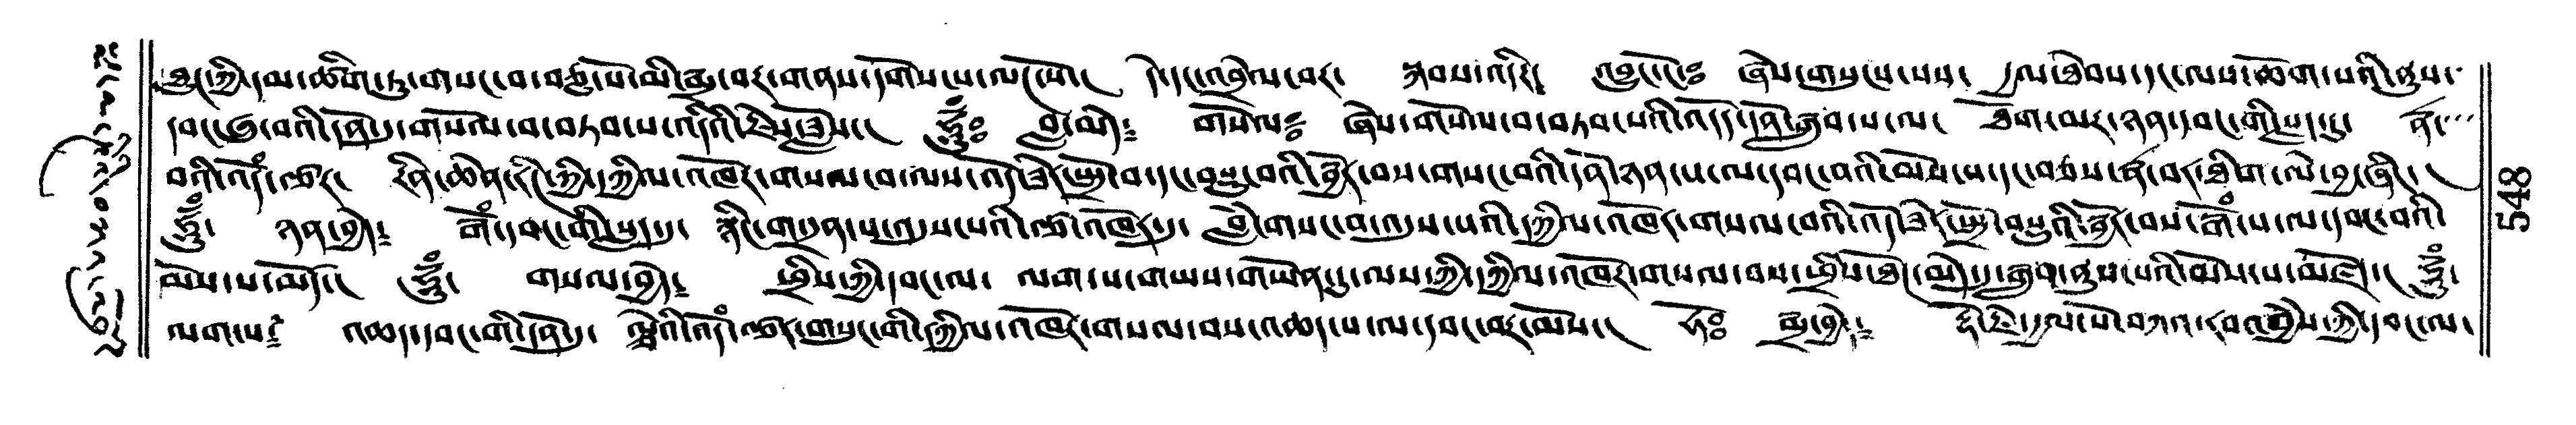ཐུགས་ཀྱི་དམ་ཚིག་ཏུ་གསང་བ་བཅུ་པོ་མི་སྨྲ་བར་གནས་དགོས་པ་ལགས་སོ། དེ་དང་འབྲེལ་བར་སྐབས་འདིར༴ འབྱུང་ངོ༔ ཞེས་གསུངས་པས་རྒྱལ་ཐེབས་དང་ལས་ཆོག་པའི་ནུས་
དབང་ཞུ་བའི་གདོན་དུ་གསོལ་བ་བཏབ་པ་འདིའི་རྗེས་བཟློས། ཧཱུྃ༔ བླ་མེད༴ གསོལ༔ ཞེས་གསོལ་བ་བཏབ་པའི་འདོད་དོན་སྒྲུབ་པ་ལ། ཐོག་མར་ཉན་དབང་གྱི་སླད་དུ་རྣ་
བའི་འདོམ་རྩར་རིན་ཆེན་རིགས་ཀྱི་དཀྱིལ་འཁོར་གསལ་བ་ལས་འོད་ཟེར་སྤྲོ་བ་དང་བསྡུ་བའི་སྦྱོར་བས་གསང་བའི་དོན་ཉན་པ་ལ་དབང་བའི་མོས་པ་དང་བཅས་རྣ་བར་ཐིག་ལེ་བྱ་ཞིང་
ཧཱུྃ༔ ཉན་བྱེད༴ སྒོམ་དབང་གི་སླད་དུ། སྙིང་ག་དྲན་པ་འདུས་པའི་རྩ་འཁོར་དུ་བླ་མ་གསང་བ་འདུས་པའི་དཀྱིལ་འཁོར་གསལ་བའི་འོད་ཟེར་སྤྲོ་བསྡུའི་སྦྱོར་བས་སྒོམ་པ་ལ་དབང་བའི་
མོས་པ་མཛོད།ཧཱུྃ༔ གསལ་བྱེད༴ ཕྲིས་ཀྱི་དབང་ལ༴ ལག་པ་གཡས་གཡོན་དུ་ལས་ཀྱི་དཀྱིལ་འཁོར་གསལ་བས་ཕྲིན་ལས་ཐོགས་མེད་དུ་སྒྲུབ་ནུས་པའི་མོས་པ་མཛོད། ཧཱུྃ༔ 
ལག་པ༴ འཆད་དབང་གི་དོན་དུ་ལྕེའི་འདོམ་རྩར་གསུང་གི་དཀྱིལ་འཁོར་གསལ་བས་འཆད་པ་ལ་དབང་བར་མོས། ཧོཿ སྨྲ་བྱེད༴ རྡོ་རྗེ་རྒྱལ་པོ་བཀའ་རབ་འབྱམས་ཀྱི་དབང་ལ།